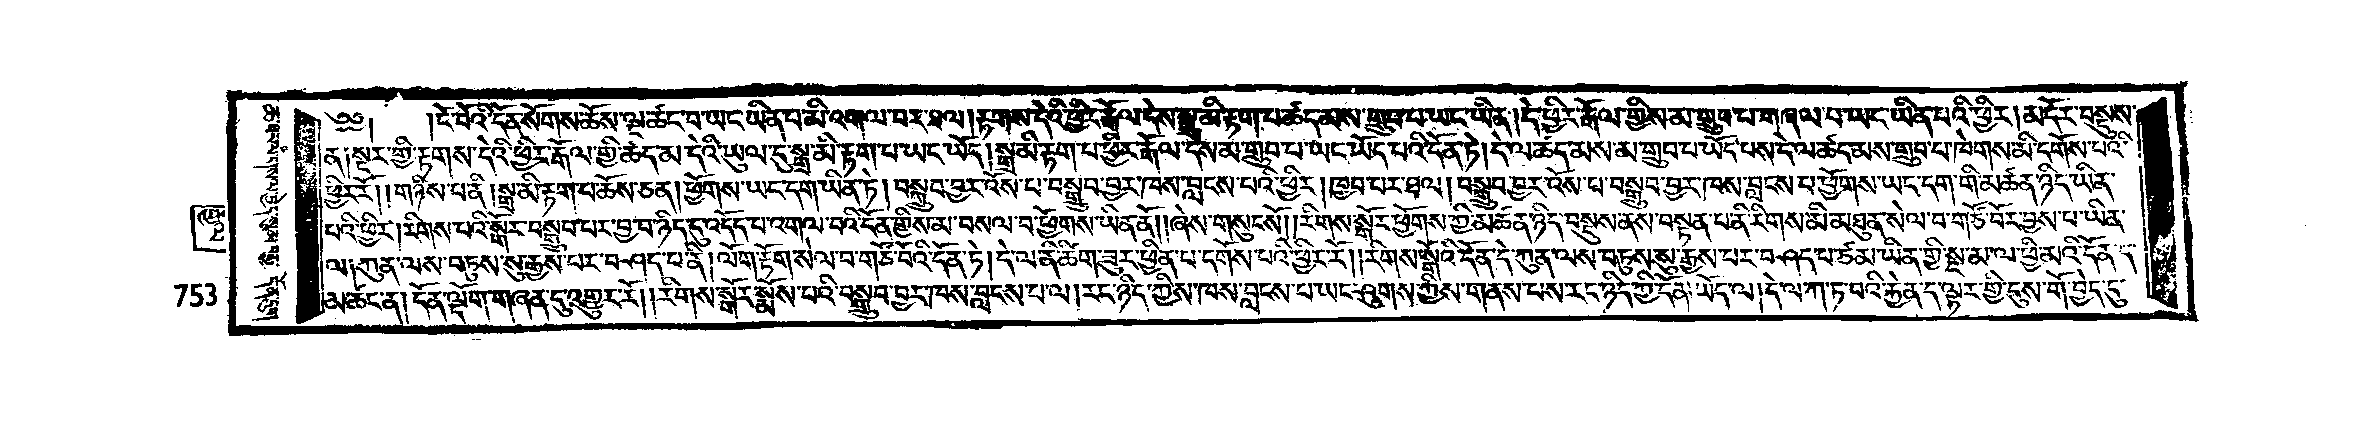༄༅། །ངོ་བོའི་དོན་སོགས་ཆོས་ལྔ་ཚང་བ་ཡང་ཡིན་པ་མི་འགལ་བར་ཐལ། རྟགས་དེའི་ཕྱིར་རྒོལ་དེས་སྒྲ་མི་རྟག་པ་ཚད་མས་གྲུབ་པ་ཡང་ཡིན། དེ་ཕྱིར་རྒོལ་གྱིས་མ་གྲུབ་པ་གཞལ་བ་ཡང་ཡིན་པའི་ཕྱིར། མདོར་བསྡུས་
ན། སྔར་གྱི་རྟགས་དེའི་ཕྱིར་རྒོལ་གྱི་ཚད་མ་དེའི་ཡུལ་དུ་སྒྲ་མི་རྟག་པ་ཡང་ཡོད། སྒྲ་མི་རྟག་པ་ཕྱིར་རྒོལ་དེས་མ་གྲུབ་པ་ཡང་ཡོད་པའི་དོན་ཏེ། དེ་ལ་ཚད་མས་མ་གྲུབ་པ་ཡོད་པས་དེ་ལ་ཚད་མས་གྲུབ་པ་ཁེགས་མི་དགོས་པའི་
ཕྱིར་རོ། །གཉིས་པ་ནི། སྒྲ་མི་རྟག་པ་ཆོས་ཅན། ཕྱོགས་ཡང་དག་ཡིན་ཏེ། བསྒྲུབ་བྱར་འོས་པ་བསྒྲུབ་བྱར་ཁས་བླངས་པའི་ཕྱིར། ཁྱབ་པར་ཐལ། བསྒྲུབ་བྱར་འིས་པ་བསྒྲུབ་བྱར་ཁས་བླངས་ཕྱོགས་ཡང་དག་གི་མཚན་ཉིད་ཡིན་
པའི་ཕྱིར། རིགས་པའི་སྒོར་བསྒྲུབ་པར་བྱ་བ་ཉིད་དུ་འདོད་པ་འགལ་བའི་དོན་གྱིས་མ་བསལ་བ་ཕྱོགས་ཡིན་ནོ། །ཞེས་གསུངས་སོ། །རིགས་སྒོར་ཕྱོགས་ཀྱི་མཚན་ཉིད་བསྡུས་ནས་བསྟན་པ་ནི་རིགས་མི་མཐུན་སེལ་བ་གཙོ་བོར་བྱས་པ་ཡིན་
ལ། ཀུན་ལས་བཏུས་སུ་རྒྱས་པར་བཤད་པ་ནི། ལོག་རྟོག་སེལ་བ་གཙོ་བོའི་དོན་ཏེ། དེ་ལ་ནི་ཚིག་ཟུར་ཕྱིན་པ་དགོས་པའི་ཕྱིར་རོ། །རིགས་སྒོའི་དོན་དེ་ཀུན་ལས་བཏུས་སུ་རྒྱས་པར་བཤད་པ་ཙམ་ཡིན་གྱི་སྔ་མ་ལ་ཕྱི་མའི་དོན་དེ་?
མ་ཚང་ན། དོན་ལྡོག་གཞན་དུ་འགྱུར་རོ། །རིགས་སྒོར་སྨོས་པའི་བསྒྲུབ་བྱར་ཁས་བླངས་པ་ལ། རང་ཉིད་ཀྱིས་ཁས་བླངས་པ་ཡང་ཤུགས་ཀྱིས་གནས་པས་རང་ཉིད་ཀྱི་དོན་ཡོད་ལ། དེ་ལ་ཀ་ཏ་བའི་རྐྱེན་ད་ལྟར་གྱི་དུས་གོ་བྱེད་དུ་